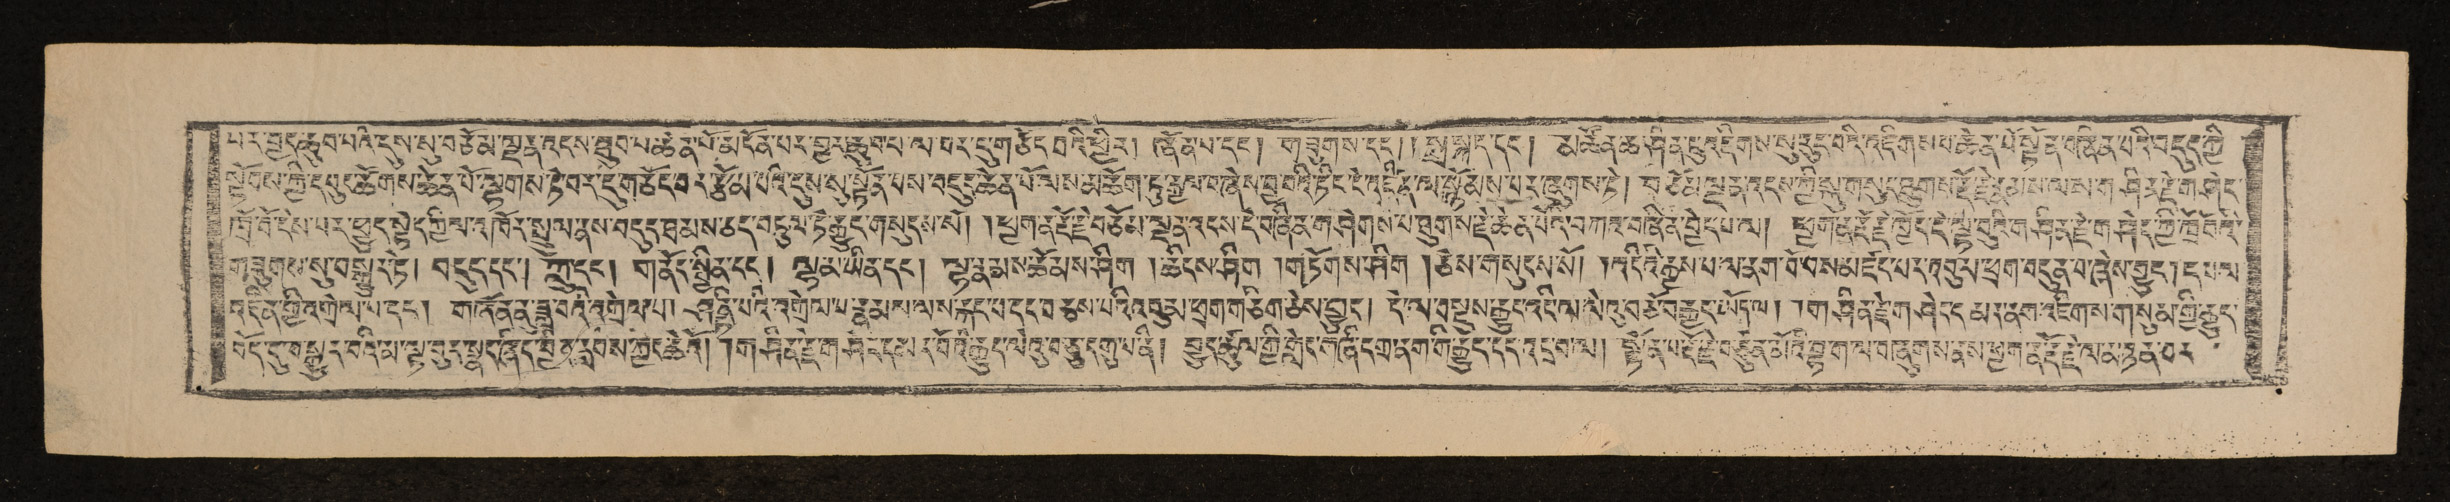པར་བྱང་ཆུབ་པའི་དུས་སུ་བཅོམ་ལྡན་འདས་ཐུབ་པ་ཆེན་པོ་མངོན་པར་བྱང་ཆུབ་པ་ལ་བར་དུ་གཅོད་པའི་ཕྱིར། ཞོན་པ་དང་། གཟུགས་དང་། སྒྲ་སྐད་དང་། མཚོན་ཆ་ཤིན་ཏུ་འཇིགས་སུ་རུང་པའི་འཇིགས་པ་ཆེན་པོ་སྟོན་བཞིན་པའི་བདུད་ཀྱི་
སྟོབས་ཀྱི་དཔུང་ཚོགས་ཆེན་པོ་ལྷགས་ཏེ་བར་དུ་གཅོད་པར་རྩོམ་པའི་དུས་སུ་སྟོན་པས་བདུད་ཆེན་པོ་ལས་མཆོག་ཏུ་རྒྱལ་བཞེས་བྱ་བའི་ཏིང་ངེ་འཛིན་ལ་སྙོམས་པར་ཞུགས་ཏེ། བཅོམ་ལྡན་འདས་ཀྱི་སྐུ་གསུང་ཐུགས་རྡོ་རྗེ་རྣམས་ལས་གཤིན་རྗེ་གཤེད་
ཁྲོ་བོ་ངེས་པར་ཕྱུང་སྟེ་དཀྱིལ་འཁོར་སྤྲུལ་ནས་བདུད་ཐམས་ཅད་བཏུལ་ཏེ་རྒྱུད་གསུངས་སོ། །ཕྱག་ན་རྡོ་རྗེ་བཅོམ་ལྡན་འདས་དེ་བཞིན་གཤེགས་པ་ཐུགས་རྗེ་ཆེན་པོའི་བཀའ་བཞིན་བྱེད་པ་ལ། ཕྱག་ན་རྡོ་རྗེ་ཁྱོད་དེ་ལྟ་བུའི་གཤིན་རྗེ་གཤེད་ཀྱི་ཁྲོ་བོའི་
གཟུགས་སུ་བསྒྱུར་ཏེ། བདུད་དང་། ཀླུ་དང་། གནོད་སྦྱིན་དང་། ལྷ་མ་ཡིན་དང་། ལྷ་རྣམས་ཆོམས་ཤིག །ཆིངས་ཤིག །གཏོགས་ཤིག །ཅེས་གསུངས་སོ། །འདིའི་རྒྱས་པ་ལ་ནག་པོ་པས་མཛད་པར་འབུམ་ཕྲག་བདུན་པ་ཞེས་བྱུང་། དཔལ་
འཛིན་གྱི་འགྲེལ་བ་དང་། གཞོན་ནུ་ཟླ་བའི་འགྲེལ་པ། ཤནྟི་པའི་འགྲེལ་པ་རྣམས་ལས་རྐང་པ་དང་བཅས་པའི་འབུམ་ཕྲག་གཅིག་ཅེས་བྱུང་། དེ་ལ་བསྡུས་རྒྱུད་འདི་ལ་ལེའུ་བཅོ་བརྒྱད་ཡོད་ལ། གཤིན་རྗེ་གཤེད་དམར་ནག་འཇིགས་གསུམ་གྱི་རྒྱུད་
བོད་དུ་བསྒྱུར་པའི་མ་ལྟ་བུར་སྣང་ཞིང་བྱིན་རླབས་ཀྱང་ཆེའོ། །གཤིན་རྗེ་གཤེད་དམར་པོའི་རྒྱུད་ལེའུ་བཅུ་དགུ་པ་ནི། བྱུང་ཚུལ་གྱི་གླེང་གཞི་དགྲ་ནག་གི་རྒྱུད་དང་འདྲ་བ་ལ། སྟོན་པ་རྡོ་རྗེ་བཙུན་མོའི་བྷ་ག་ལ་བཞུགས་ནས་ཕྱག་ན་རྡོ་རྗེ་ལ་མཉན་པར་